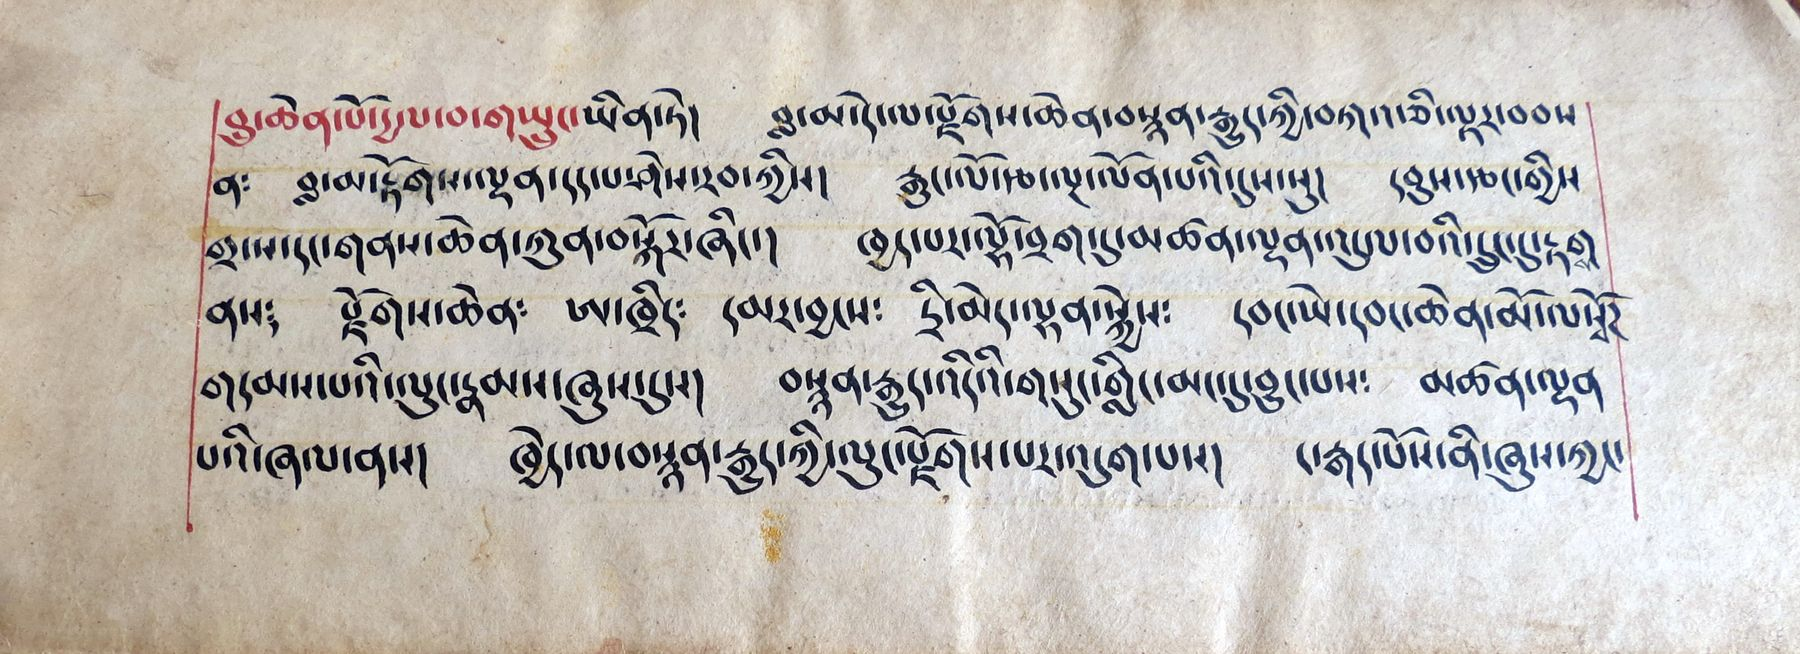བྲུ་ཆེན་པོ་རྒྱལ་བ་གཡུང་དྲུང་ཡིན་ཏེ། བླ་མ་དེ་ལ་རྫོགས་ཆེན་སྙན་རྒྱུད་ཀྱི་བཀའ་ཅི་ལྟར་བབས་པ་
ནི། བླ་མ་རྟོགས་ལྡན་དད་པ་ཤེས་རབ་ཀྱིས། རྒུང་ལོ་རྩ་ལྔ་ལོན་པའི་དུས་སུ། དབུས་གཙང་གི་
གྲྭ་ས་དང་གནས་ཆེན་ཀུན་བསྐོར་ཞིང་། ཁྱད་པར་དུ་ལྷོ་བྲག་ཏུ་མཚན་ལྡན་འདུལ་བའི་དྲུང་དུ་རྟགས་
ནས། རྫོགས་ཆེན། ཨ་ཁྲིད། དམར་བྱང་། དྲི་མེད་ལྷན་སྐྱེས། དབང་ཡེ་དབང་ཆེན་མོ་ལ་སོགས་
གདམས་པའི་ལུང་རྣམས་ཞུས་དུས། སྙན་བརྒྱུད་འདིའི་གསུང་གླེང་མང་དུ་བྱུང་བས། མཚན་ལྡན་
པའི་ཞལ་ནས། ཁྱེད་ལ་སྙན་རྒྱུད་ཀྱི་ལུང་རྫོགས་པར་འདུག་པས། ང་རྒད་པོས་ནི་ཞུས་ཀྱང་